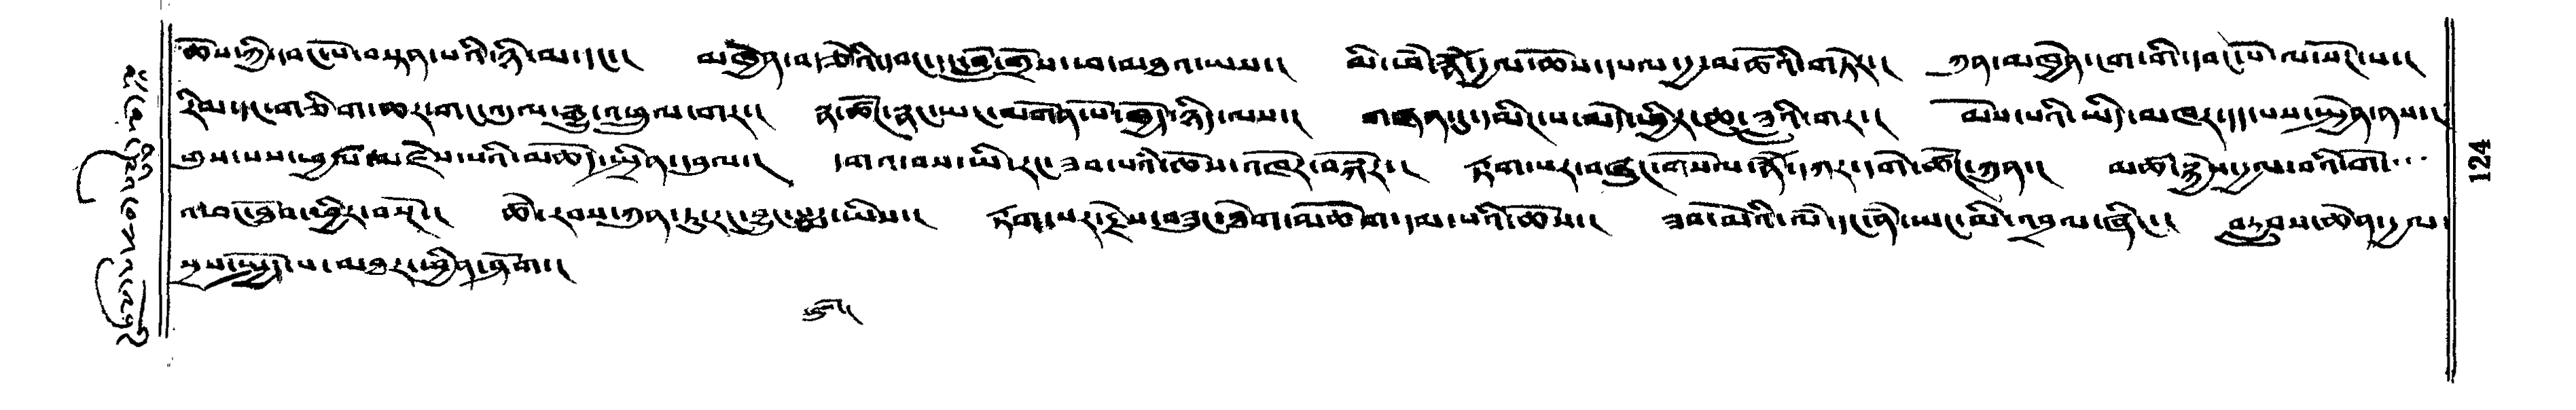།ཆོས་ཀྱི་དབང་པོ་བསྟན་པའི་ཉི་མ་དང་། །མཁྱེན་བརྩེའི་དབང་དང་བློ་གྲོས་ཕ་མཐའ་ཡས། །མི་ཕམ་རྣམ་རྒྱལ་ཆོས་དཔལ་རྒྱ་མཚོའི་གཏེར། །ཀུན་མཁྱེན་ངག་གི་དབང་པོ་ལ་སོགས་པ། །
རིམ་དང་གཅིག་ཆར་གང་འདུལ་སྒྱུ་འཕྲུལ་གར། །སྣ་ཚོགས་སྣང་ཡང་མགོན་པོ་ཁྱོད་ཉིད་ལས། །གཞན་དུ་དམིགས་པ་མེད་ཕྱིར་ཆུ་ཟླའི་གར། །མོས་པའི་ཡིད་མཁར་དད་པས་སྤྱན་དྲངས་ནས། 
གུས་པས་ཕྱག་འཚལ་མཛེས་པའི་མཆོད་སྤྲིན་དབུལ། །དགའ་བས་ཡི་རང་ཟབ་པའི་ཆོས་འཁོར་བསྐོར། །རྟག་པར་བཞུགས་གསོལ་རྣམ་དཀར་དགེ་ཚོགས་ཀུན། །མཚོ་སྐྱེས་རྒྱལ་བའི་གོ་
འཕང་ཐོབ་ཕྱིར་བསྔོ། །ཚེ་རབས་ཀུན་ཏུ་རང་བྱུང་པདྨ་ཡིས། །རྟག་པར་རྗེས་བཟུང་ཐེག་མཆོག་དམ་པའི་ཆོས། །ཟབ་མོའི་ལམ་དང་ནམ་ཡང་མི་འབྲལ་ཞིང་། །རླབས་ཆེན་རྒྱལ་
སྲས་སྤྱོད་པ་མཐར་ཕྱིན་ཤོགདགེའོ།།